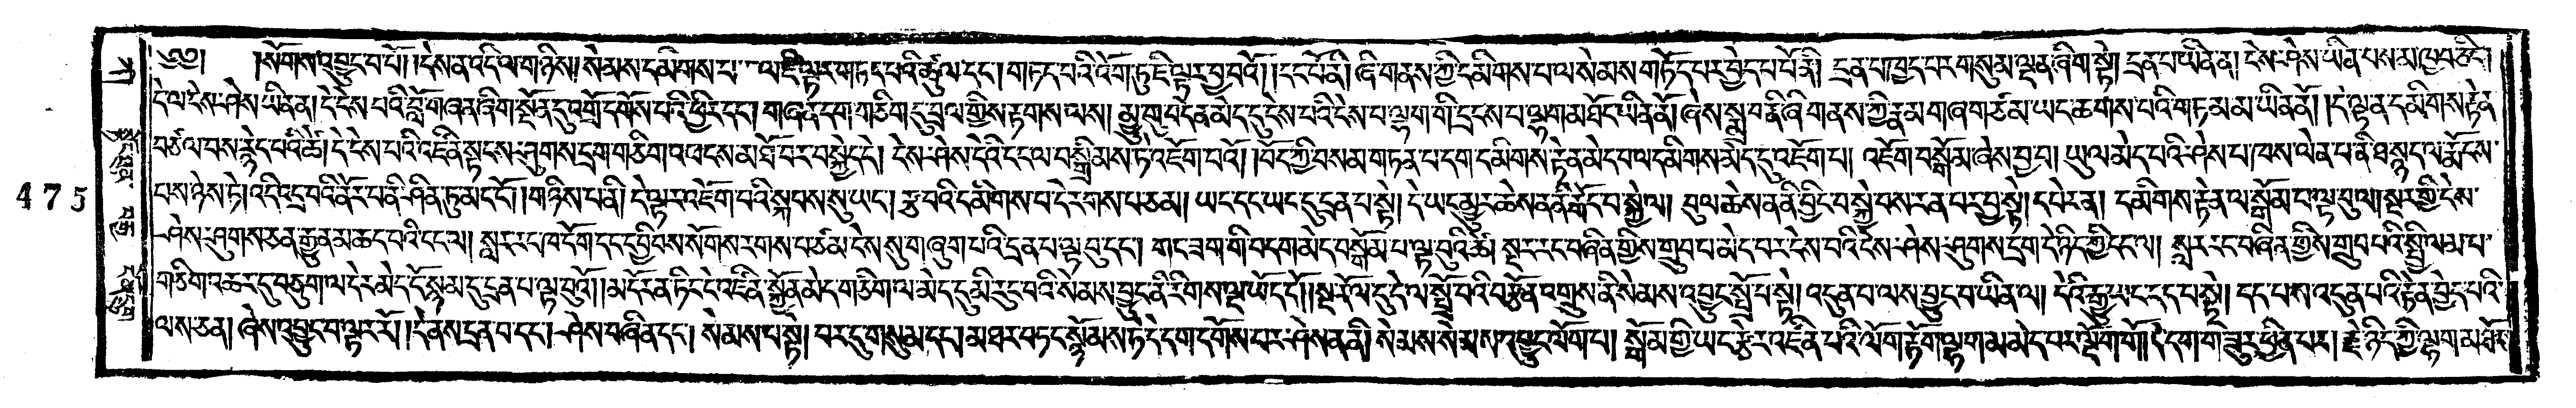༄༅། །སོགས་འབྱུང་བ་པོ། །དེས་ན་འདི་ལ་གཉིས། སེམས་དམིགས་པ་ལ་ཇི་ལྟར་གཏད་པའི་ཚུལ་དང་། གཏད་བའི་འོག་ཏུ་ཇི་ལྟར་བྱ་བའོ། །དང་པོ་ནི། ཞི་གནས་ཀྱི་དམིགས་པ་ལ་སེམས་གཏོད་པར་བྱེད་པ་པོ་ནི། དྲན་པ་ཁྱད་པར་གསུམ་ལྡན་ཞིག་སྟེ། དྲན་པ་ཡིན་ན། ངེས་ཤེས་ཡིན་བས་མ་ཁྱབ་ཅིང་།
དེ་ལ་ངེས་ཤེས་ཡིན་ན། དེ་དེས་བའི་བློ་གཞན་ཞིག་སྔོན་དུ་འགྲོ་དགོས་པའི་ཕྱིར་དང་། གཞན་དག་གཅིག་དུ་བྲལ་གྱིས་རྟགས་ལས། མྱུ་གུ་བདེན་མེད་དུ་ངེས་པའི་ངེས་པ་ལྷག་གི་དྲངས་པ་ལྷག་མཐོང་ཡིན་ནོ། ཞེས་སྨྲ་བ་ནི་ཞི་གནས་ཀྱི་རྣམ་གཞག་ཙམ་ཡང་ཆགས་བའི་གཏམ་མ་ཡིན་ནོ། །དེ་ལྟ་ན་དམིགས་རྟེན་
བཙལ་བས་རྙེད་བའི་ཚེ། དེ་ངེས་པའི་འཛིན་སྟངས་ཤུགས་དྲག་གཅེག་འཕངས་མཐོ་བར་བསྐྱེད་དེ། ངེས་ཤེས་དེའི་དངལ་བསྒྲིམས་ཏེ་འཇོག་བའོ། །བོད་ཀྱི་བསམ་གཏན་པ་དག་དམིགས་རྟེན་མེད་པ་ལ་དམིགས་མེད་དུ་འཇོག་པ། འཇོག་བསྒོམ་ཞེས་བྱ་བ། ཡུལ་མེད་པའི་ཤེས་པ་ཁས་ལེན་པ་ནི་ཐ་སྙད་ལ་རྨོངས་
བས་ཉེས་ཏེ། འདི་འདྲ་བའི་ནོར་བ་ནི་ཤིན་ཏུ་མང་ངོ། །གཉིས་པ་ནི། དེ་ལྟར་འཇོག་བའི་སྐབས་སུ་ཡང་། རྩ་བའི་དམིགས་པ་དེ་རགས་པ་ཙམ། ཡང་དང་ཡང་དུ་དྲན་པ་སྟེ། དེ་ཡང་མྱུར་ཆེས་ན་ནི་?་པ་སྐྱེ་ལ། བུལ་ཆེས་ན་ནི་བྱིང་བ་སྐྱེ་བས་རན་པར་བྱ་སྟེ། དཔེར་ན། དམིགས་རྟེན་ལ་སྒོམ་པ་ལྟ་བུ་ལ། སྔར་གྱི་དེས་
ཤེས་ཤུགས་ཅན་རྒྱུན་མཆད་པའི་ངང་ལ། སླར་རང་ཁ་དོག་དང་དབྱིབས་སོགས་རགས་བ་ཙམ་ངེས་སུ་གཞུག་པའི་དྲན་པ་ལྟ་བུ་དང་། གང་ཟག་གི་བདག་མེད་བསྒོམ་པ་ལྟ་བུའི་ཚེ། སྔར་རང་བཞིན་གྱིས་གྲུབ་པ་མེད་པར་ངེས་བའི་ངེས་ཤེས་ཤུགས་དྲག་དེ་ཉིད་ཀྱི་དངལ། སླར་རང་བཞིན་གྱིས་གྲུབ་བའི་སྤྱི་ལམ་པ་
གཅིག་འཆར་དུ་བཅུག་ལ་དེར་མེད་དོ་སྙམ་དུ་དྲན་པ་ལྟ་བུའོ། །མདོར་ན་ཏིང་ངེ་འཛིན་སྐྱོན་མེད་གཅིག་ལ་མེད་དུ་མི་རུང་བའི་སེམས་བྱུང་ནི་རིགས་ལྔ་ཡོད་དོ། །སྔ་རོལ་དུ་དེ་ལ་སྤྲོ་བའི་བརྩོན་འགྲུས་ནི་སེམས་འབྱུང་སྤྲོ་བ་སྟེ། འདུན་བ་ལས་བྱུང་བ་ཡིན་ལ། དེའི་རྒྱུ་ཡང་དད་བ་སྟེ། དད་པས་འདུན་པའི་རྟེན་བྱེད་པའི་
ལས་ཅན། ཞེས་འབྱུང་བ་ལྟར་རོ། །དེ་ནས་དྲན་པ་དང་། ཤེས་བཞིན་དང་། སེམས་བསྟེ། པར་དུ་གསུམ་དང་། མཐར་བཏང་སྙོམས་ཏེ་དེ་དག་དགོས་པར་ཤེས་ན་ནི། སེམས་སེམས་འབྱུང་ལོགས་པ། སྒོམ་གྱི་ཡང་རྩེར་འཛིན་པའི་ལོག་རྟོག་ལྷག་མ་མེད་པར་ལྡོག་གོ། དེ་དག་གི་ཟུར་ཕྱིན་པར། རྗེ་ཉིད་ཀྱི་ལྷག་མཐོང་